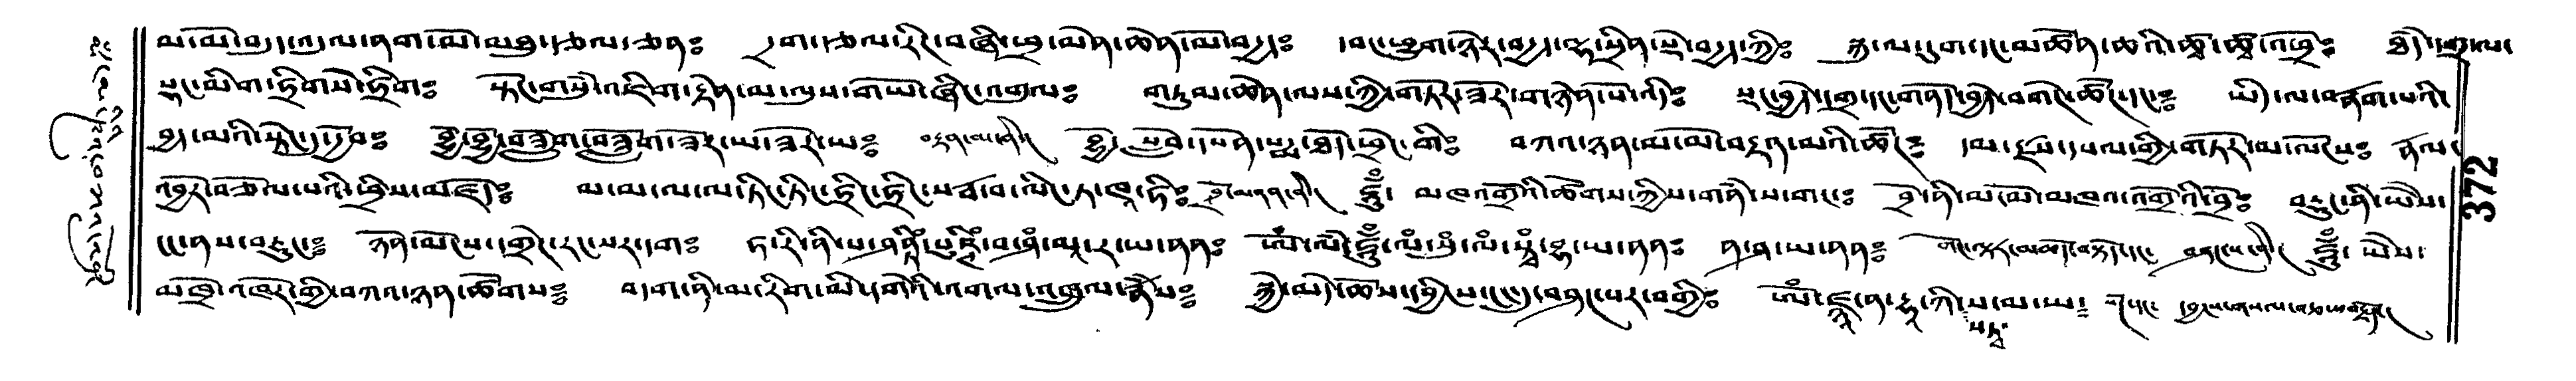མ་མོ་བདུད་འདུལ་ནག་མོ་མཐུ་རྩལ་ཅན༔ དྲག་རྩལ་རིགས་བཞི་ཕྲ་མེན་ཆེན་མོ་བརྒྱད༔ དབང་ཕྱུག་ཉེར་བརྒྱད་ལྷ་སྲིན་སྡེ་བརྒྱད་ཀྱི༔ སྐུ་ལ་དུག་དང་མཚོན་ཆའི་ཚྭ་ཚྭ་འཕྲོ༔ ཐམས་ཅད་དགྲ་ལ་
སྡང་མིག་ཧྲིགས་སེ་ཧྲིག༔ སྟོང་གསུམ་འཇིག་རྟེན་མ་ལུས་གཡོ་ཞིང་འགུལ༔ གཏུམ་ཆེན་ལས་ཀྱི་གཏོར་ཟོར་གཉེན་པོ་འདི༔ སྡང་བྱེད་དགྲ་དང་གནོད་བྱེད་བགེགས་ཚོགས་དང༔ ཡིད་ལ་བརྣག་པའི་
བྱད་མའི་སྟེང་དུ་རྒྱོབ༔ བྷྱོ་བྷྱོ་བཟློག་བཟློག་ཟོར་ཡ་ཟོར་ཡ༔ བརྟན་མ་ནི། བྷྱོ༔ སློབ་དཔོན་པདྨ་ཐོད་ཕྲེང་གི༔ བཀའ་ཉན་མ་མོ་བརྟན་མའི་ཚོགས༔ དམ་རྫས་དཔལ་གྱི་གཏོར་མ་ལོངས༔ རྣལ་
འབྱོར་བཅོལ་པའི་ཕྲིན་ལས་མཛོད༔ མ་མ་ལ་ལ་ཏིང་ཏིང་ཧྲིང་ཧྲིང་སརྦ་བ་ལིང་ཏ་ཁཱ་ཧི༔ བྲོ་མནན་ནི། མཁའ་འགྲོའི་ཚོགས་ཀྱིས་གནམ་ས་གང་༔ བྲོ་ནི་མ་མོ་མཁའ་འགྲོའི་བྲོ༔ རྡུང་ནི་ཡེ་ཤེས་
ངང་ནས་རྡུང༔ ཉོན་མོང་དགྲ་བགེགས་རང་སར་དག༔ ཧ་རི་ནི་ས་ཤནྟིཾ་པུཥྚིཾ་ཝ་ཤཾ་མཱ་ར་ཡ་ནན༔ ཨོཾ་ལཾ་ཧཱུྃ་ལཾ་སུཾ་ལཾ་སྟྭཾ་བྷ་ཡ་ནན༔ ན་ཤ་ཡ་ནན༔ གོང་ལྟར་མཆོད་བསྟོད་དང་། བཤགས་པ་ནི། ཧཱུྃ༔ ཡེ་ཤེས་
མཁའ་འགྲོ་འཁོར་གྱི་བཀའ་ཉན་ཚོགས༔ བདག་ནི་མ་རིག་མི་དགེའི་འགལ་འཁྲུལ་རྣམས༔ སྐྱེ་མེད་ཆོས་དབྱིངས་ངང་དུ་བཤགས་པར་བགྱི༔ ཨོཾ་ཛྙཱ་ན་དྷཱ་ཀི་ས་ཏྭ་ས་མ་ཡ༴ སོགས་དང་དབྱངས་གསལ་བཅས་བརྗོད།